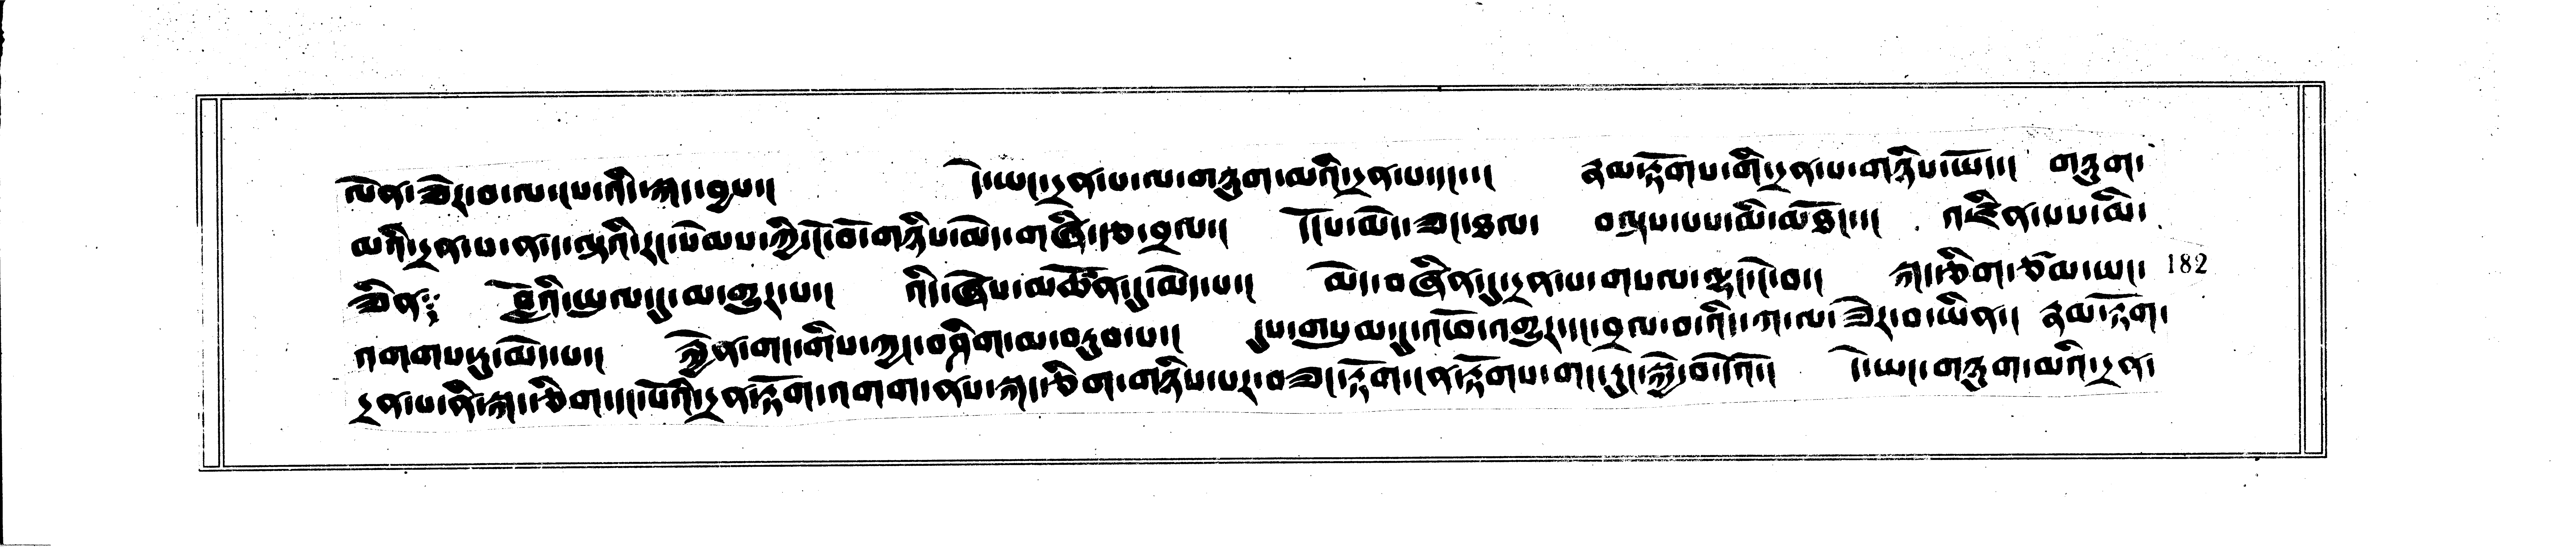ལེན་ཟེར་བ་ལ་ངས་འདི་སྐད་བྱས། དེ་ཡང་དྲན་པ་ལ་གཉུག་མའི་དྲན་པ་དང་། རྣམ་རྟོག་གི་དྲན་པ་གཉིས་ཡོད། གཉུག་
མའི་དྲན་པ་ནི་ད་ལྟའི་རང་སེམས་ཀྱི་ངོ་བོ་གཉིས་མེད་གཞི་རྩ་བྲལ་དངོས་མེད་ཟང་ཐལ་བལྟས་པས་མི་མཐོང་འཛིན་པས་མི་
ཟིན་ བློ་ཡི་ཡུལ་དུ་མ་གྱུར་པ་ འདི་ཞེས་མཚོན་དུ་མེད་པ་ མེད་བཞིན་དུ་དྲན་པ་གསལ་ལྷང་ངེ་བ་ སྐད་ཅིག་ཙམ་ཡང་
འགག་ཏུ་མེད་པ་རྐྱེན་གང་གིས་བཤིག་མ་བཏུབ་པ་དུས་གསུམ་དུ་འཕོ་འགྱུར་དང་བྲལ་བ་འདི་ཀ་ལ་ཟེར་བ་ཡིན། རྣམ་རྟོག་གི་
དྲན་པ་ནི་སྐད་ཅིག་དང་པོའི་དྲན་རྟོག་འགག་ནས་སྐད་ཅིག་གཉིས་བཟང་རྟོག་ངན་རྟོག་གང་རུང་སྐྱེ་བ་དེའོ། །དེ་ཡང་གཉུག་མའི་དྲན་